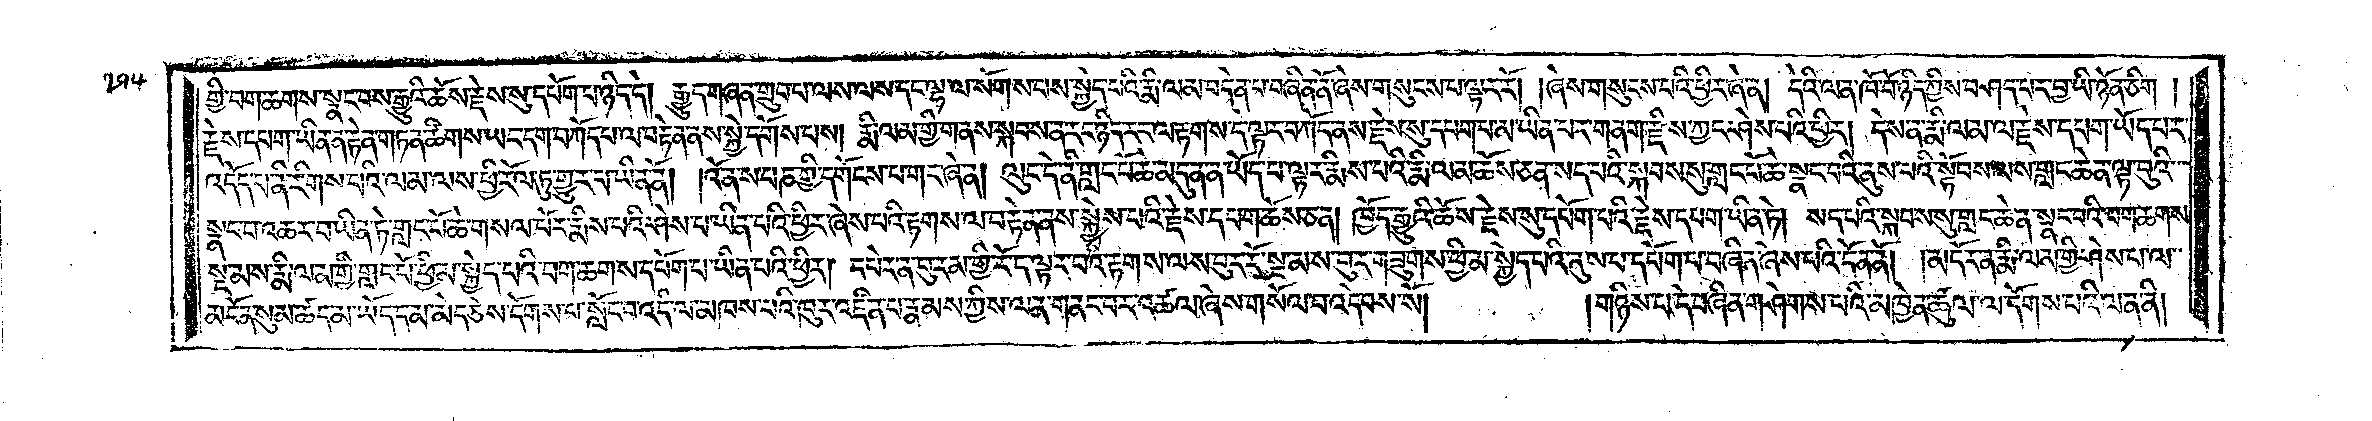གྱི་བག་ཆགས་སྣང་བས་རྒྱུའི་ཆོས་རྗེས་སུ་དཔོག་པ་ཉིད་དེ། རྒྱུད་གཞན་གྲུབ་པ་ལས་ལས་དང་ལྷ་ལ་སོགས་པས་སྐྱེད་པའི་རྨི་ལམ་བདེན་པ་བཞིན་ནོ་ཞེས་གསུངས་པ་ལྟར་རོ། །ཞེས་གསུངས་པའི་ཕྱིར་ཞེ་ན། དེའི་ལན་ཁོ་བོ་ཉིད་ཀྱིས་བཤད་པར་བྱ་ཡི་ཉོན་ཅིག །
རྗེས་དཔག་ཡིན་ན་རྟེན་གཏན་ཚིགས་ཡང་དག་བཀོད་པ་ལ་བརྟེན་ནས་སྐྱེ་དགོས་པས། རྨི་ལམ་གྱི་གནས་སྐབས་ན་རང་ཉིད་རང་ལ་རྟགས་དེ་ལྟར་བཀོད་ནས་རྗེས་སུ་དཔག་པ་མ་ཡིན་པར་གནག་རྫིས་ཀྱང་ཤེས་པའི་ཕྱིར། དེས་ན་རྨི་ལམ་ལ་རྗེས་དཔག་ཡོད་པར་
འདོད་པ་ནི་རིགས་པའི་ལམ་ལས་ཕྱི་རོལ་ཏུ་གྱུར་པ་ཡིན་ནོ། །འོ་ན་ས་པཎ་གྱི་དགོངས་པ་གང་ཞེ་ན། ལུང་དེ་ནི་གླང་པོ་ཆེ་མདུན་ན་ཡོད་པ་ལྟར་རྨིས་པའི་རྨི་ལམ་ཆོས་ཅན་སད་པའི་སྐབས་སུ་གླང་པོ་ཆེ་སྣང་བའི་ནུས་པའི་སྟོབས་ལས་གླང་ཆེན་ལྟ་བུའི་
སྣང་བ་འཆར་བ་ཡིན་ཏེ་གླང་པོ་ཆེ་གསལ་པོར་རྨིས་པའི་ཤེས་པ་ཡིན་པའི་ཕྱིར་ཞེས་པའི་རྟགས་ལ་བརྟེན་ནས་སྐྱེས་པའི་རྗེས་དཔག་ཆོས་ཅན། ཁྱོད་རྒྱུའི་ཆོས་རྗེས་སུ་དཔོག་པའི་རྗེས་དཔག་ཡིན་ཏེ། སད་པའི་སྐབས་སུ་གླང་ཆེན་སྣང་བའི་བག་ཆགས་
སྔ་མས་རྨི་ལམ་གྱི་གླང་པོ་ཕྱི་མ་སྐྱེད་པའི་བག་ཆགས་དཔོག་པ་ཡིན་པའི་ཕྱིར། དཔེར་ན་བུ་རམ་གྱི་རོ་ད་ལྟར་བའི་རྟགས་ལས་བུར་རོ་སྔ་མས་བུར་གཟུགས་ཕྱི་མ་སྐྱེད་པའི་ནུས་པ་དཔོག་པ་བཞིན་ཞེས་པའི་དོན་ནོ། །མདོར་ན་རྨི་ལམ་གྱི་ཤེས་པ་ལ་
མངོན་སུམ་ཚད་མ་ཡོད་དམ་མེད་ཅེས་དོགས་པ་སློང་བ་འདི་ལ་མཁས་པའི་ཁུར་འཛིན་པ་རྣམས་ཀྱིས་ལན་གནང་བར་འཚལ་ཞེས་གསོལ་བ་འདེབས་སོ། །གཉིས་པ་དེ་བཞིན་གཤེགས་པའི་མཁྱེན་ཚུལ་ལ་དོགས་པའི་ལན་ནི།